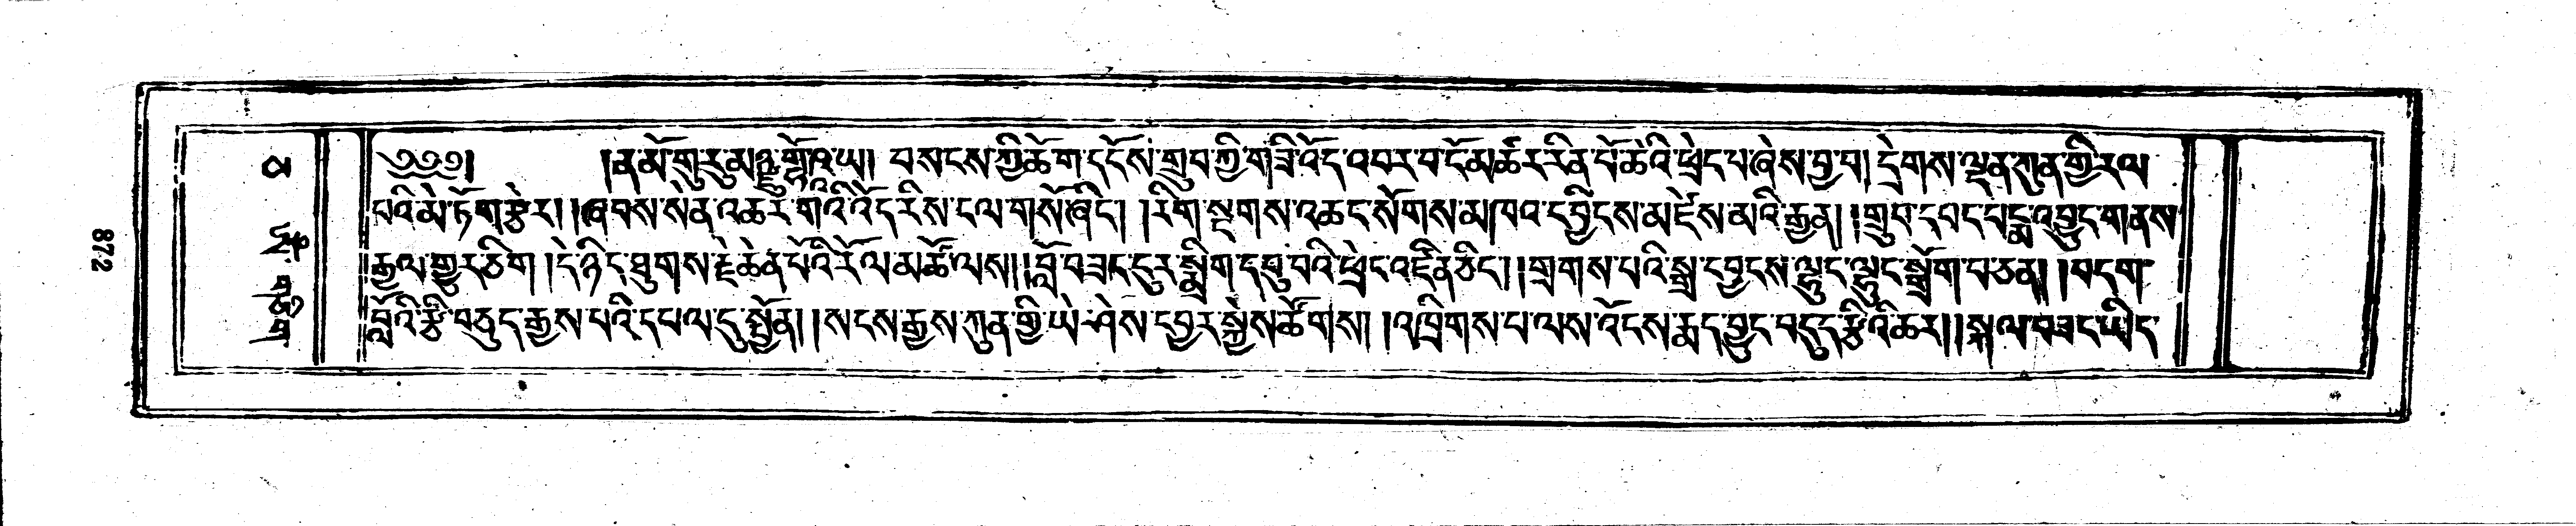༄༅༅། །ན་མོ་གུ་རུ་མཉྫུ་གྷོ་ཥཱ་ཡ། བསངས་ཀྱི་ཆོ་ག་དངོས་གྲུབ་ཀྱི་གཟི་འོད་འབར་བ་ངོ་མཚར་རིན་པོ་ཆེའི་ཕྲེང་བ་ཞེས་བྱ་བ། དྲེགས་ལྡན་ཀུན་གྱི་རལ་
པའི་མེ་ཏོག་རྩེར། །ཞབས་སེན་འཆར་གའི་འོད་རིས་ངལ་གསོ་ཞིང་། །རིག་སྔགས་འཆང་སོགས་མཁའ་དབྱིངས་མཛེས་མའི་རྒྱན། །གྲུབ་དབང་པདམ་འབྱུང་གནས་
རྒྱལ་གྱུར་ཅིག །དེ་ཉིད་ཐུགས་རྗེ་ཆེན་པོའི་རོལ་མཚོ་ལས། །བློ་བཟང་ངུར་སྨྲིག་དབུ་བའི་ཕྲེང་འཛིན་ཅིང་། །གྲགས་པའི་སྒྲ་དབྱངས་ལྷུང་ལྷུང་སྒྲོག་པ་ཅན། །བདག་
བློའི་རྩི་བཅུད་རྒྱས་པའི་དཔལ་དུ་སྦྱིན། །སངས་རྒྱས་ཀུན་གྱི་ཡེ་ཤེས་དབྱར་སྐྱེས་ཚོགས། །འཁྲིགས་པ་ལས་འོངས་རྨད་བྱུང་བདུད་རྩིའི་ཆར། །སྐལ་བཟང་ཡིད་